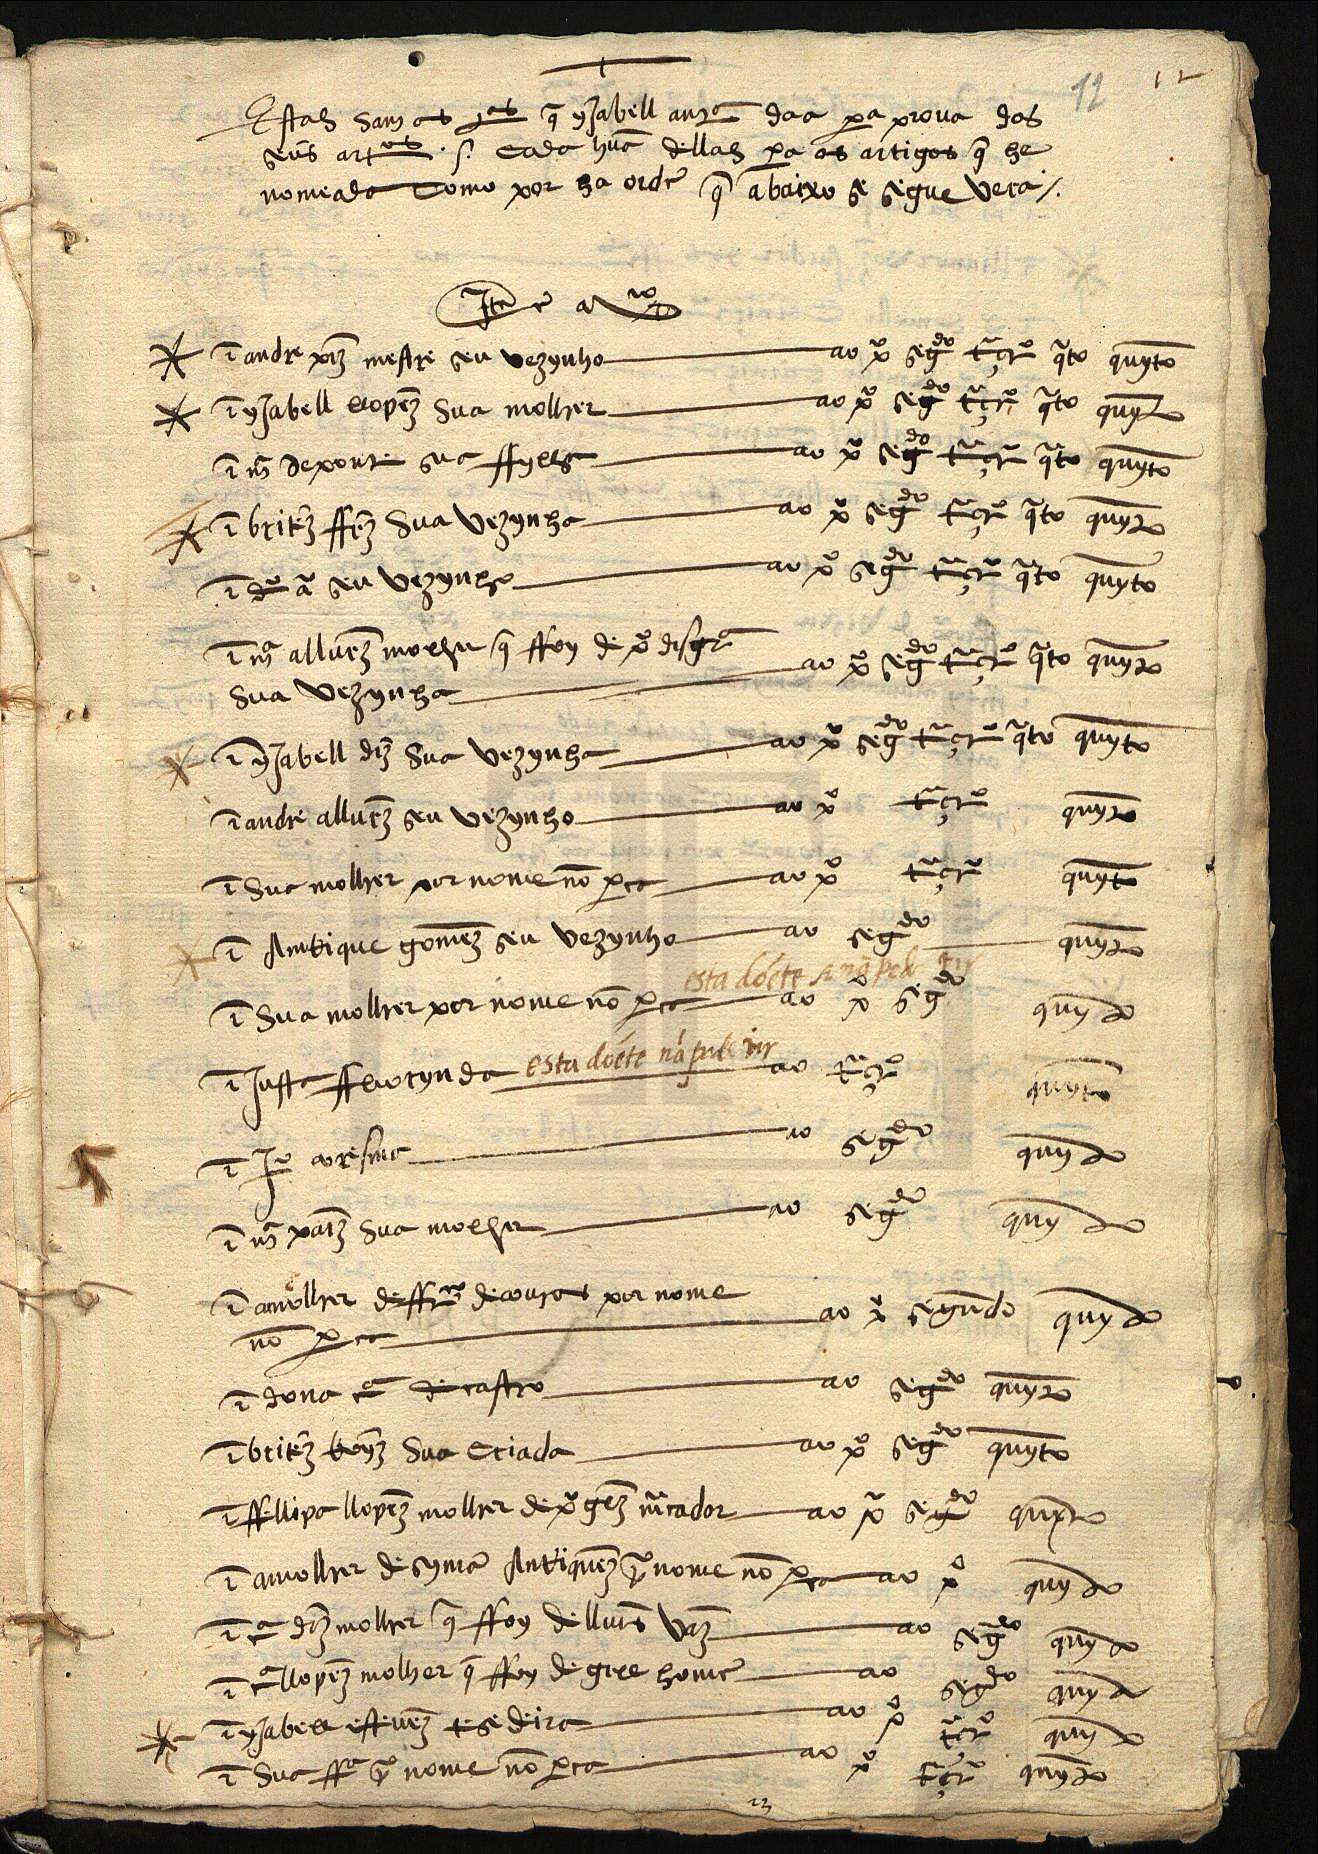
Estas sam as tas q̄ ysabell anta daa ꝑa proua dos
seus artos .s. cada hūa dellas ꝑa os artigos q̄ he
nomeada como por ha ordē q̄ abaixo se segue vera /.
Jtē ē aVro
item andre pīz mestre seu vezynho – ao po segdo t̄cro q̄to qūyto
item yJsabell llopēz Sua molher – ao po segdo t̄cro q̄to qūyto
item ma de ponte sua ffylha – ao po segdo t̄cro q̄to qūyto
item britez ffēz Sua vezynha – ao po segdo t̄cro q̄to qūyto
item do ao seu vezynho – ao po segdo t̄cro q̄to qūyto
item ma alluēz molher q̄ ffoy de po desgra
Sua vezynha – ao po segdo t̄cro q̄to qūyto
item yJabell diz Sua vezynha – ao po segdo t̄cro q̄to qūyto
item andre alluēz seu vezynho ao po t̄cro qūyto
item Sua molher por nome n̄o ꝑca – ao po t̄cro q̄uyto
item AmRique gomez seu vezynho – ao segdo qūyto
esta doēte e nō pode vir
item Sua molher por nome nō ꝑca – ao po segdo qūyto
esta doēte nō pode vir
item Justa fflorynda – ao t̄cro qūyto
item Jo coresma – ao segdo qūyto
item ma paiz Sua molher – ao segdo q̄uyto
item a molher de ffrco de couros por nome
n̄o ꝑca – ao po segūdo q̄uyto
item dona ca de castro – ao segdo q̄uyto
item britiz Roȳz Sua Criada – ao po segdo q̄uyto
item ffellipa llopez molher de po gl̄z m̄cador – ao po segdo qūyto
item a molher de symā Anriquez p̄o nome n̄o ꝑca – ao po q̄uyto
item ca dīz molher q̄ ffoy de lluis vaz̄ – ao segdo qūyto
item ca llopez molher q̄ ffoy de gill homē – ao segdo qūyto
item yJabell esteuez tesedeira – ao po t̄cro q̄uyto
item Sua ffa p̄o nome n̄o ꝑca – ao po t̄crco qūyto
